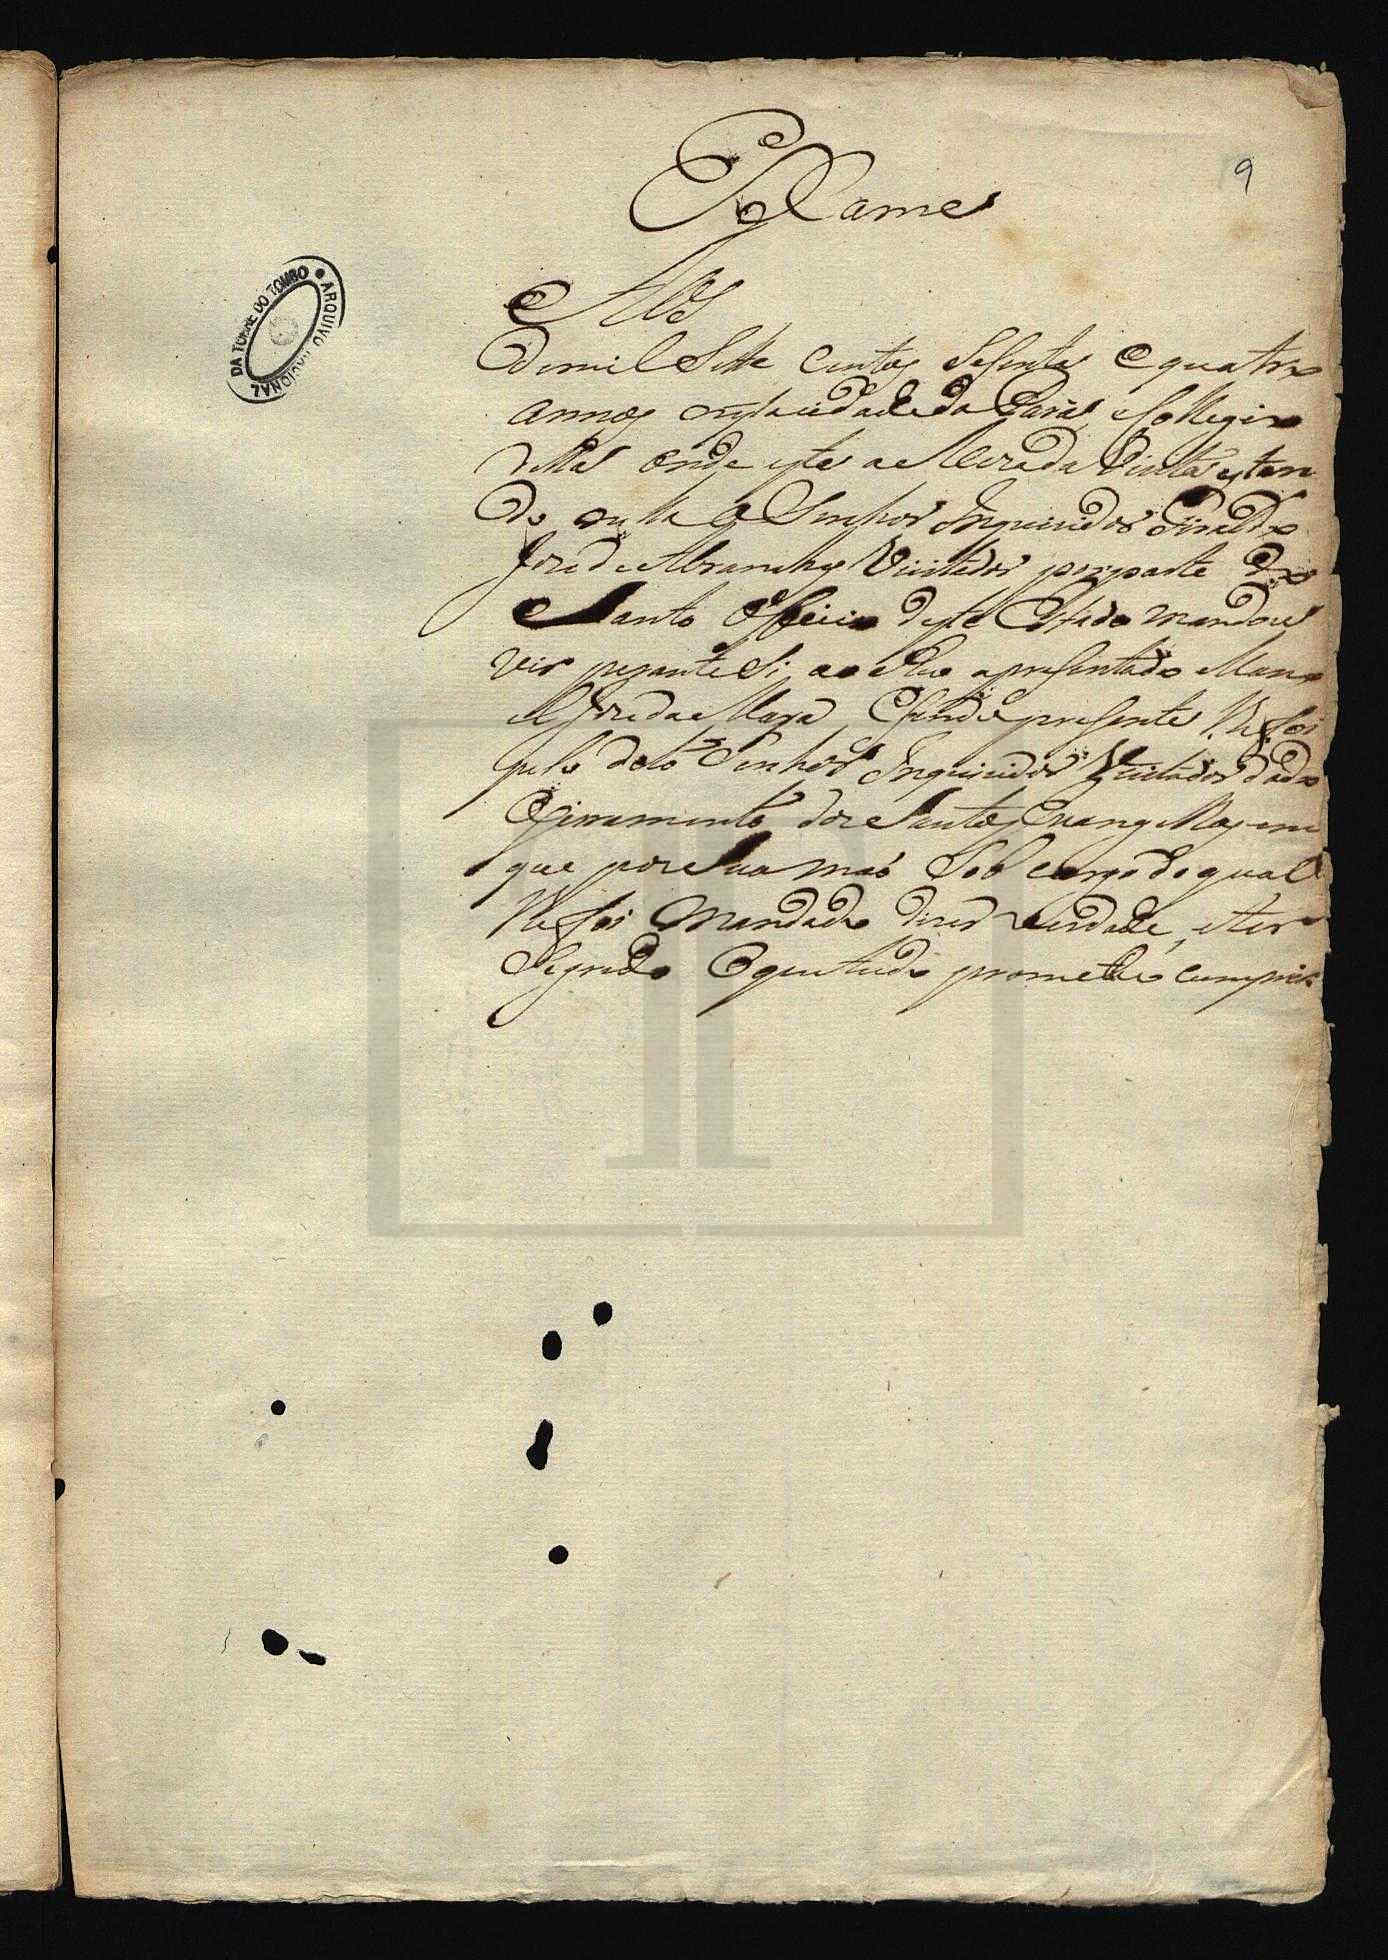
EXame
Aos
de mil Settecentos sesenta e quatro
annos nesta cidade do Pará, e Collegio
della onde esta a Mesa da Visita estan
do nella o Senhor Inquizidor Giraldo
Joze de Abranches Visitador por parte do
Santo Officio deste Estado mandou
vir perante Si ao Reo apresentado Mano
el Joze da Maya e sendo presente lhe foi
pelo deto Senhor Inquisidor Visitador dado
O juramento doz Santos Evangelhos em
que poz Sua maõ Sob cargo do qual
lhe foi mandado dizer verdade, e ter
segredo O que tudo prometeo cumprir
